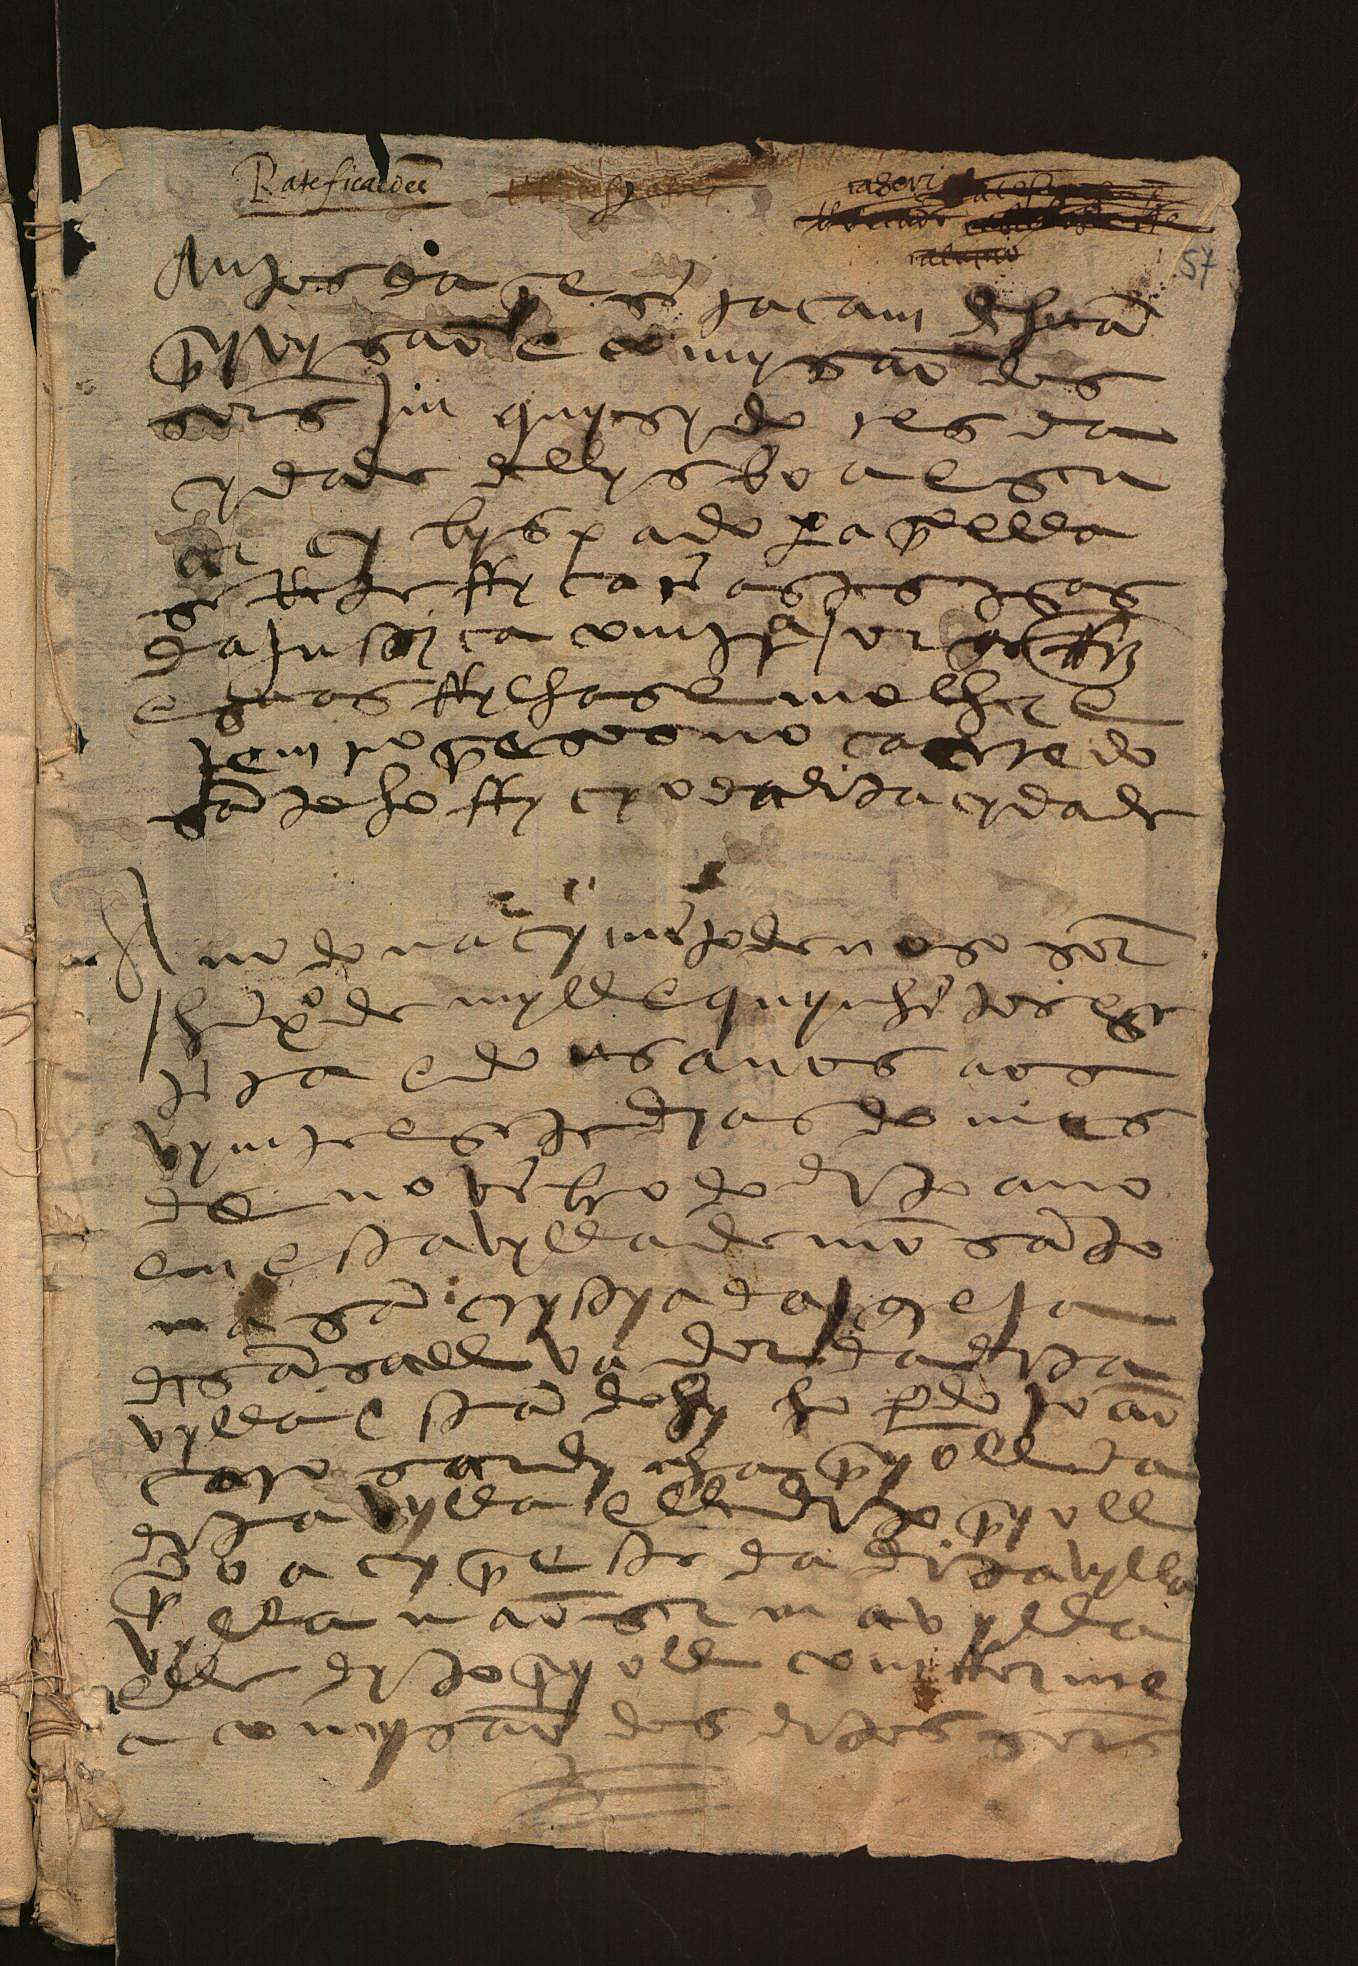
Rateficacões
Autos dap̄esētacam de huā
p̄yvysaõ e comysão dos
sor̄s Jmquysydores da
cydade de llysboa e seu
arcybyspado ꝑa p̄o ella
se Rateffycarē as testas
da Justyca comtra Jorge ffrz̄
e suas ffylhas e molher e
Jemro p̄esos no cacere do
sāto hoffycyo da dita cydade
Ano do nacymēto de noso sor̄
Jhū xo de myll e quynhētos e se
tēta e dous anos aos
vymte e sete djas do mes
de novēbro do djto ano
em esta vylla de mōsāto
na sācrystya da JgreJa
de sā sallvador da dita
vylla estādo hy ho Ldo João
caro sardjnha p̄yoll da
dita vylla elle dito p̄yoll
p̄o acyp̄este da dita vylla
vylla naõ ser na vylla
elle dyto p̄yoll comfforme
a comysão dos ditos sor̄s
